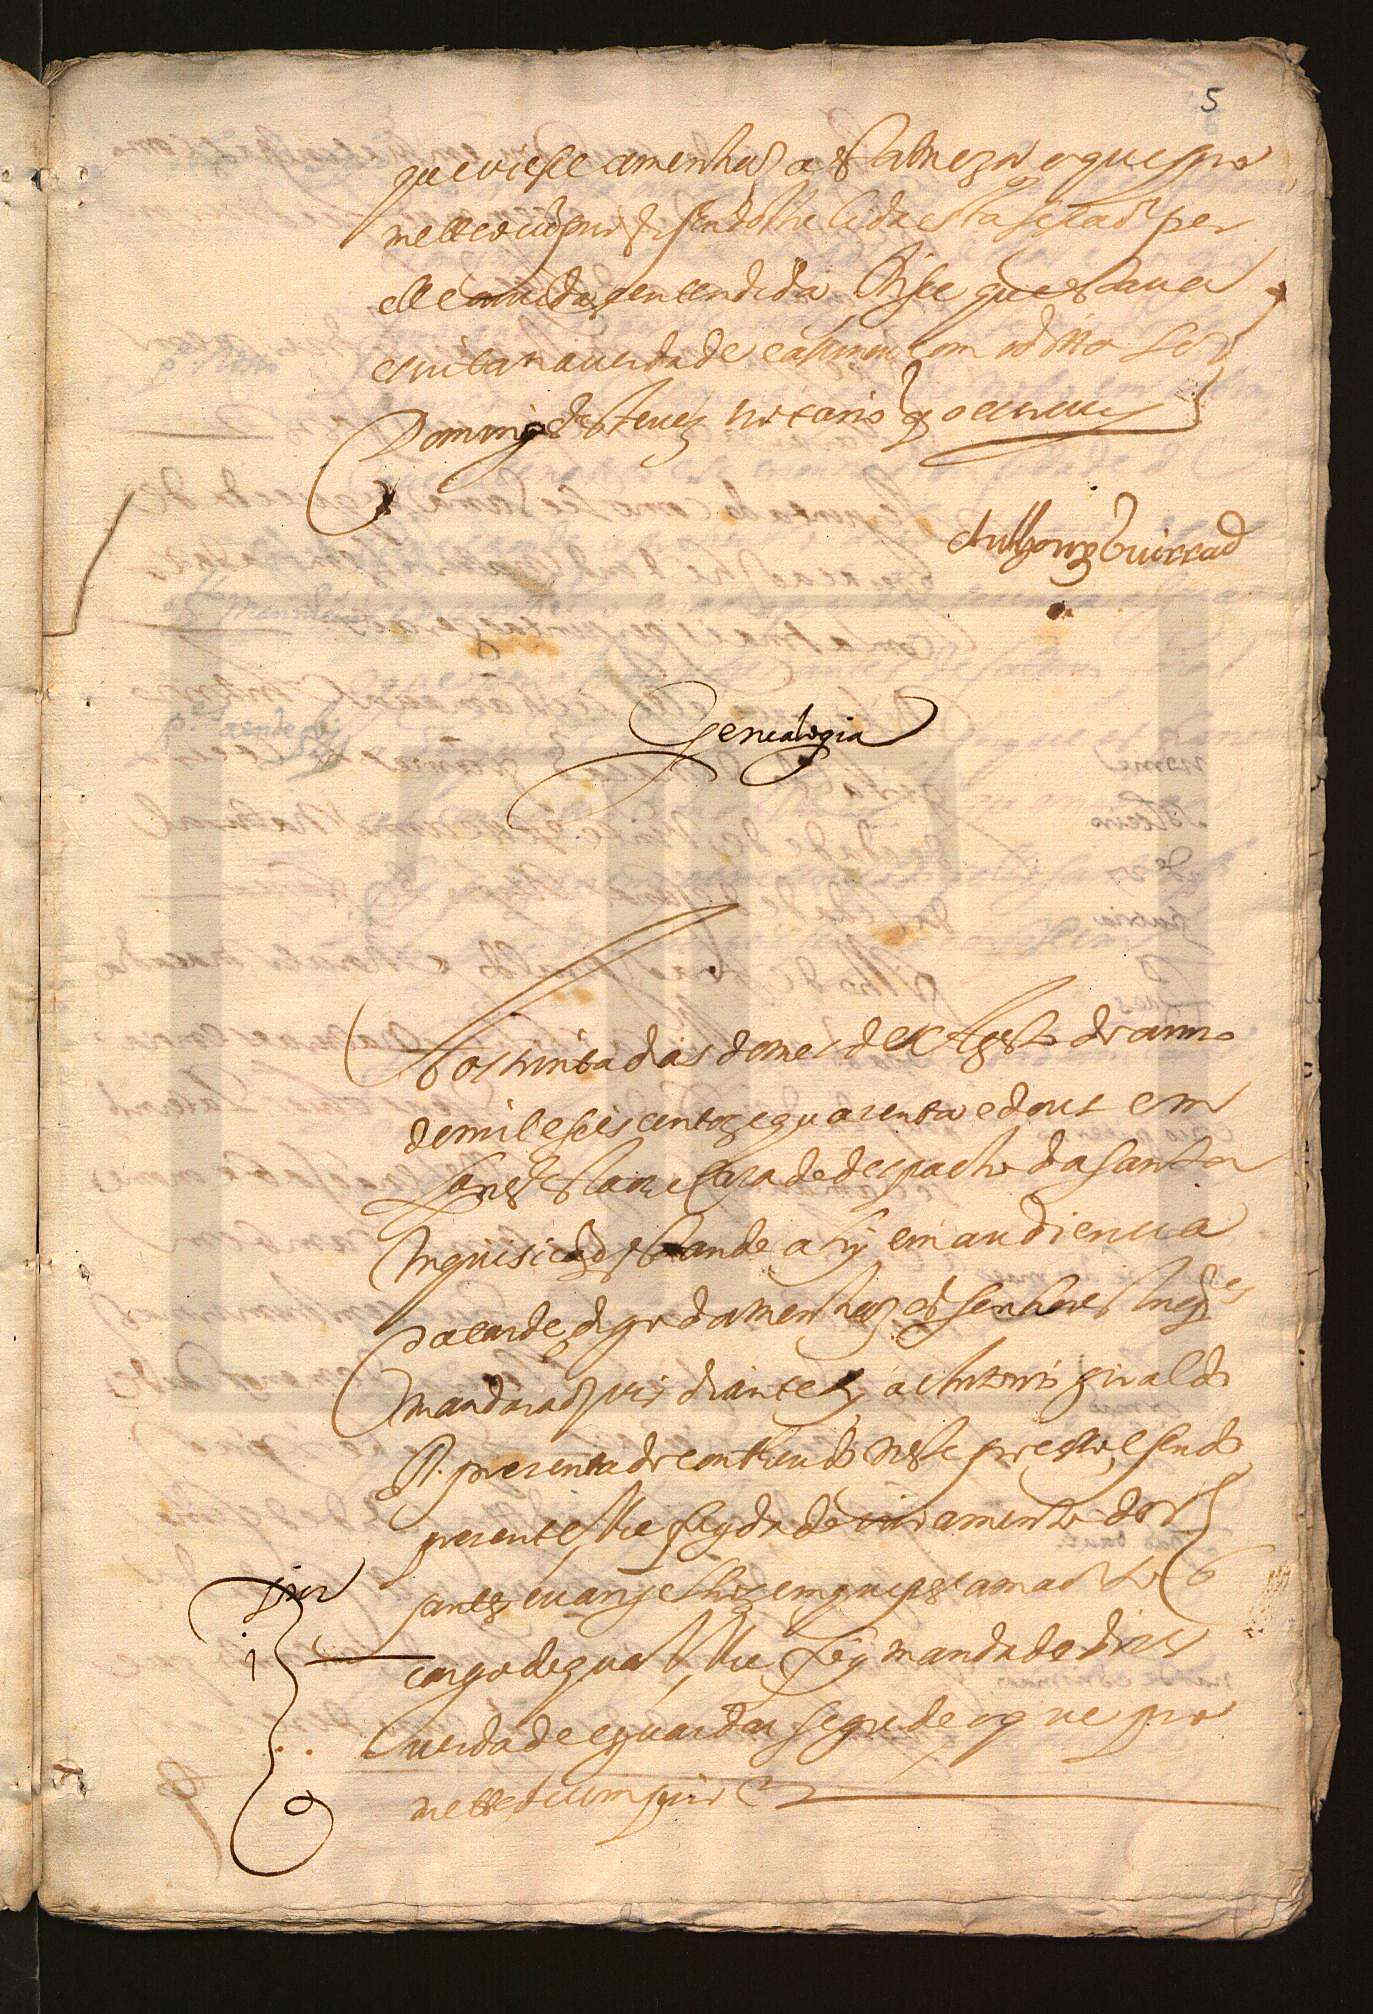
que viesse amenhā a esta meza o que pro
metteo cūprir e sendolhe lida esta sessaõ per
elle ouuida e entendida Disse que estaua
escrita na uerdade e assinou com o ditto sor
Domingos esteuez notario q̄ o escreuy
Anthony Guirrad
Genealogia
Aos trinta dias do mes de Agosto do anno
de mil e seiscentos e quarenta e dous em
Lxa nos estaos e Caza do despacho da santa
Inquisiçaõ estando ahy em audiencia
da tarde digo da menhā os senhores Inqres
mandaraõ vir diante sy a Antonio giraldo
R. prezentado contheudo neste processo, e sendo
prezente lhe foy dado iuramento dos
santos euangelhos em que pos a maõ sob
jur
cargo de qual lhe foy mandado dizer
uerdade e guardar segredo o que pro
metteo cumprir.
